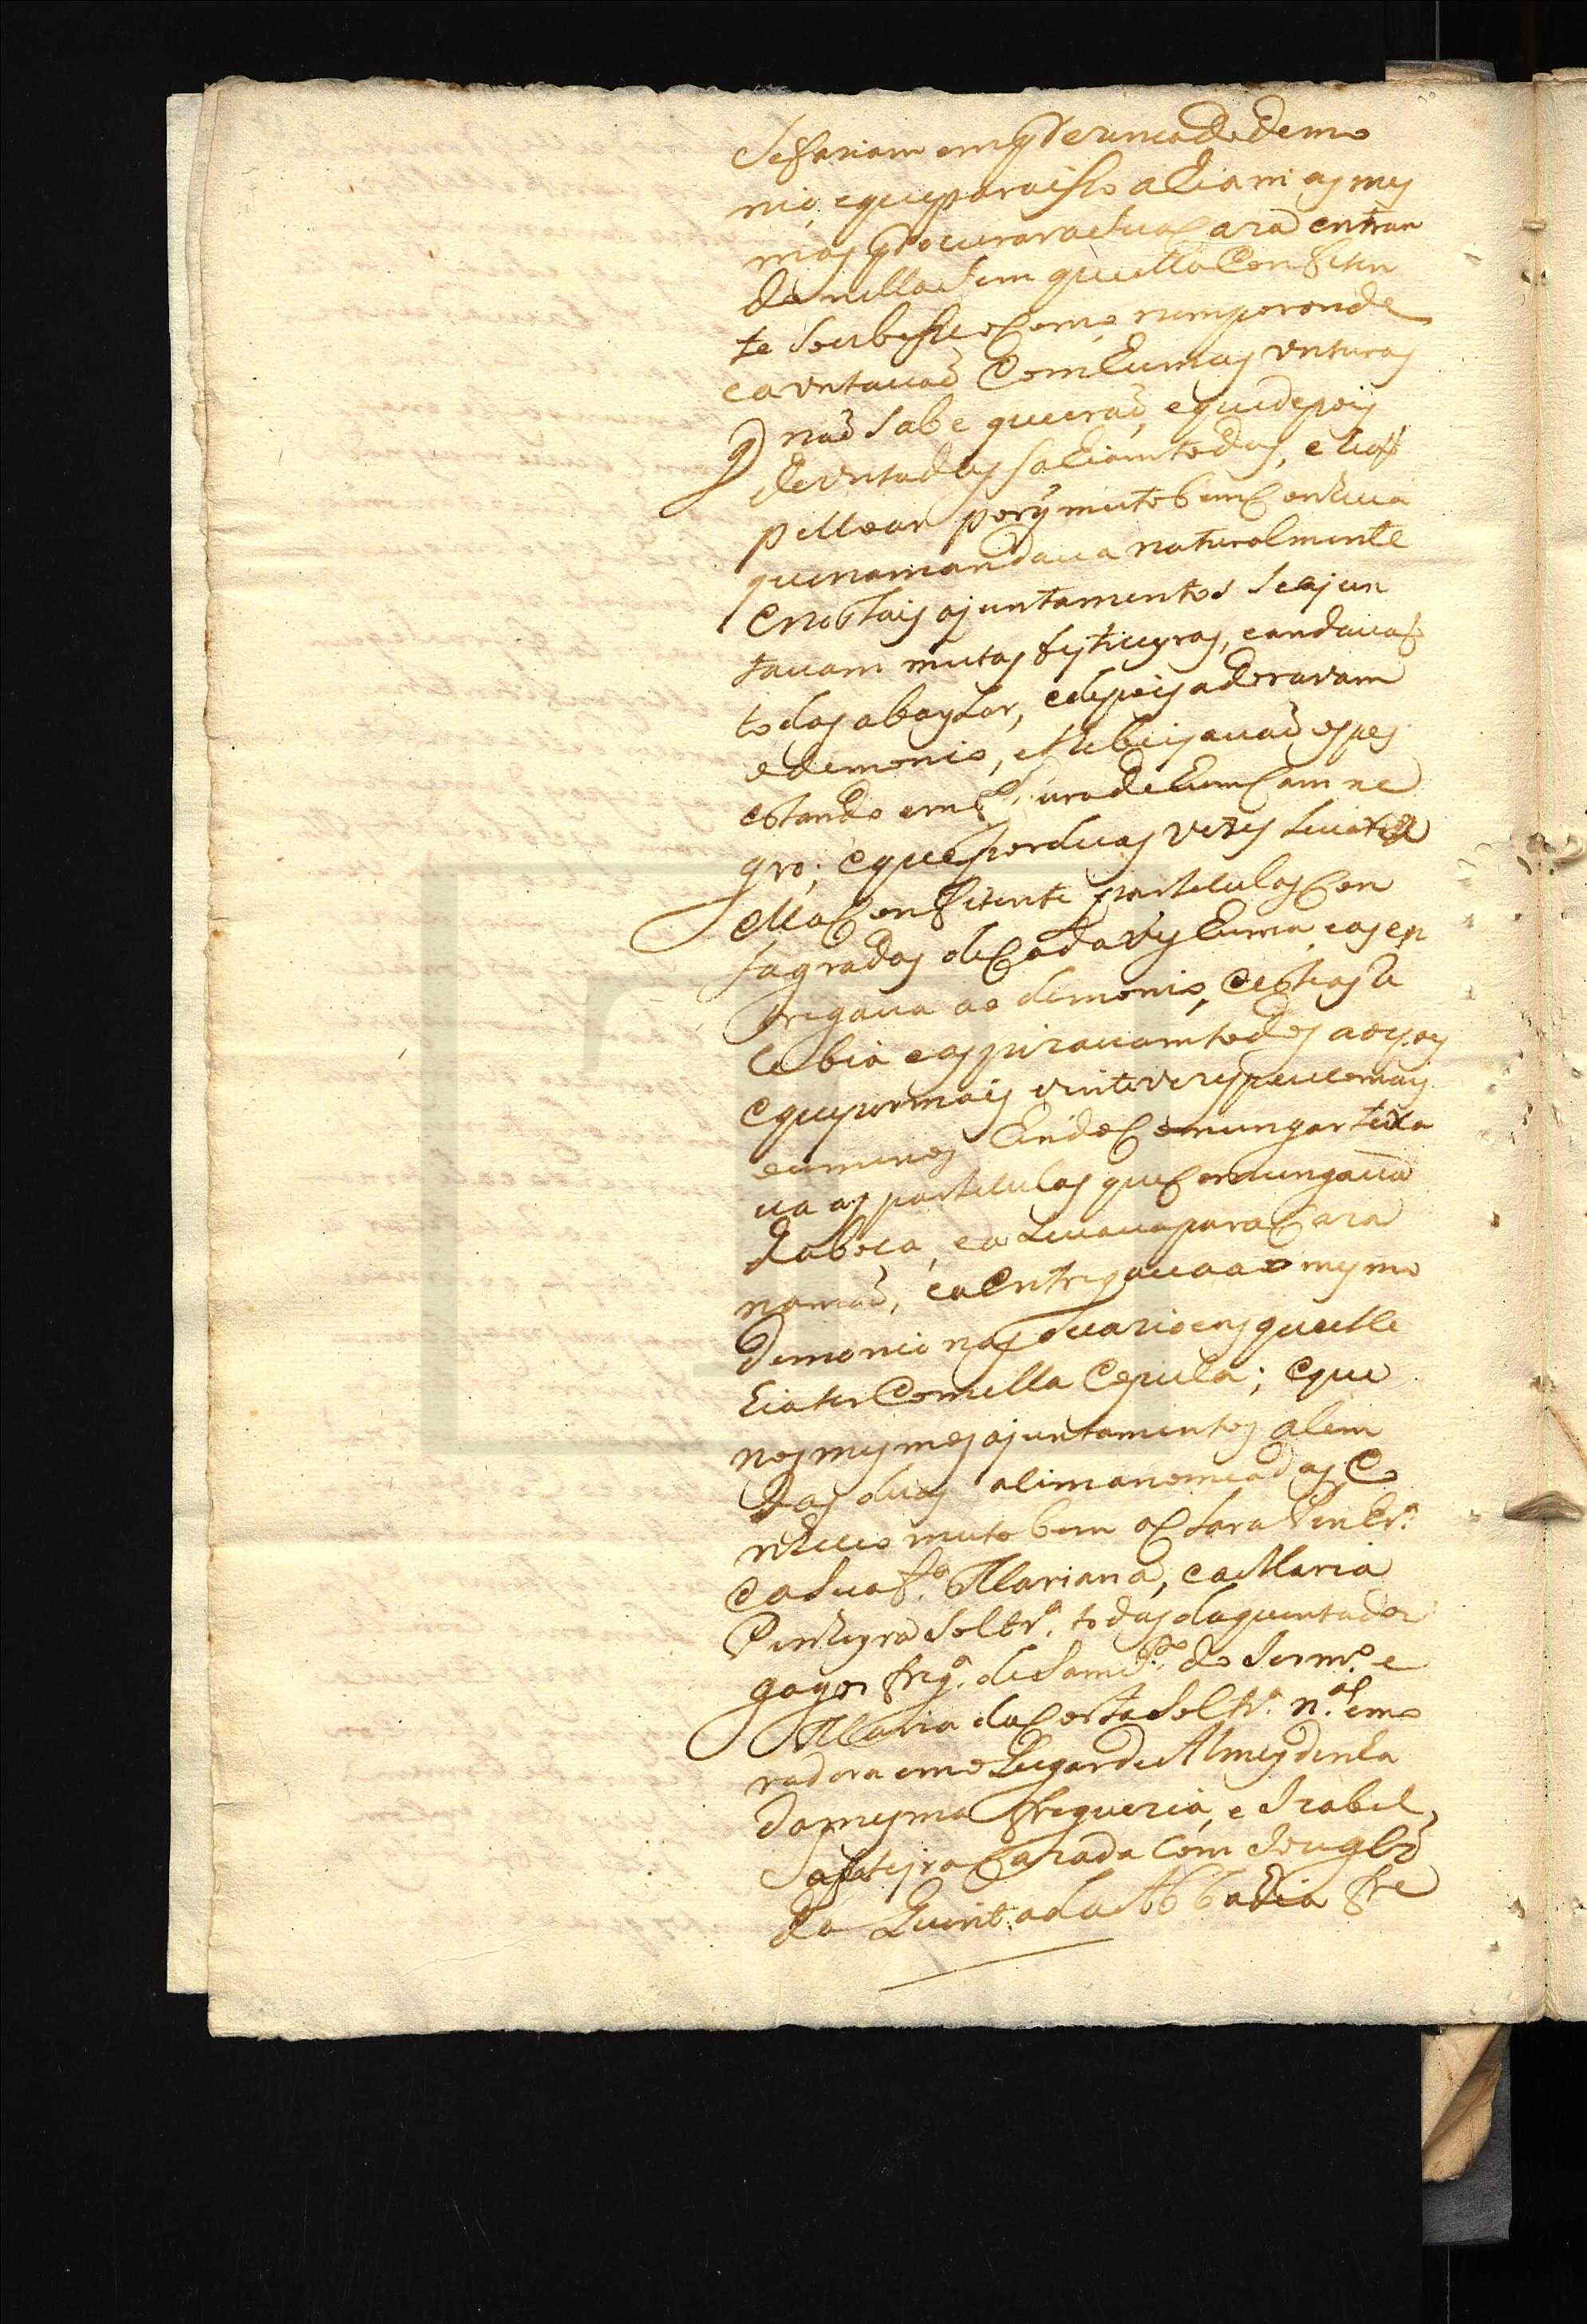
se faziam em prezenca do demo
nio, e que para isso a hiam as mes
mas procurar a sua Caza entran
do nella sem que ella Confiten
te soubesse o Como, nem por onde
e a vntauaõ com humas vnturas
q̄ naõ sabe que eraõ, e que depois
de vntadas sahiam todas, e hiaõ
pello ar porq̄ muto bem Conhecia
que nam andaua naturalmente
e nos tais ajuntamentos se ajun
tauam mutas fejticeyras, e andauaõ
todas a bayLar, e depois adoravam
o demonio, e lhe beijauaõ os pes
estando em _ura de hum Cam ne
gro; e que por duas vezes Leuara
ella Confitente particulas Con
sagradas de Cada ves huma, e as en
tregaua ao demonio, e este as Re
Cebia e as pizauam todos aos poes
e que por mais vinte vezes pouco mais
ou menos hindo Comungar teira
ua as particulas que Comungaua
da boca, e a Leuaua para Caza
na maõ, e a entregaua ao mesmo
demonio nas occazioens que elle
hia ter Com ella Copula; e que
nos mesmos ajuntamentos alem
das duas acima nomeadas Co
nheceo muto bem a Clara Pinhr.a
e a Sua f.a Mariana, e a Maria
Pinheyra Soltr.a todas da quinta dos
gagos freg.a de Sam P.o do Ierm.o e
Maria da Costa Soltr.a n.al e mo
radora em o Lugar de Almeydinha
da mesma freguezia, e Izabel
Sapatejra Cazada com Ioze glz̄
da Quinta da Abbadia fre
